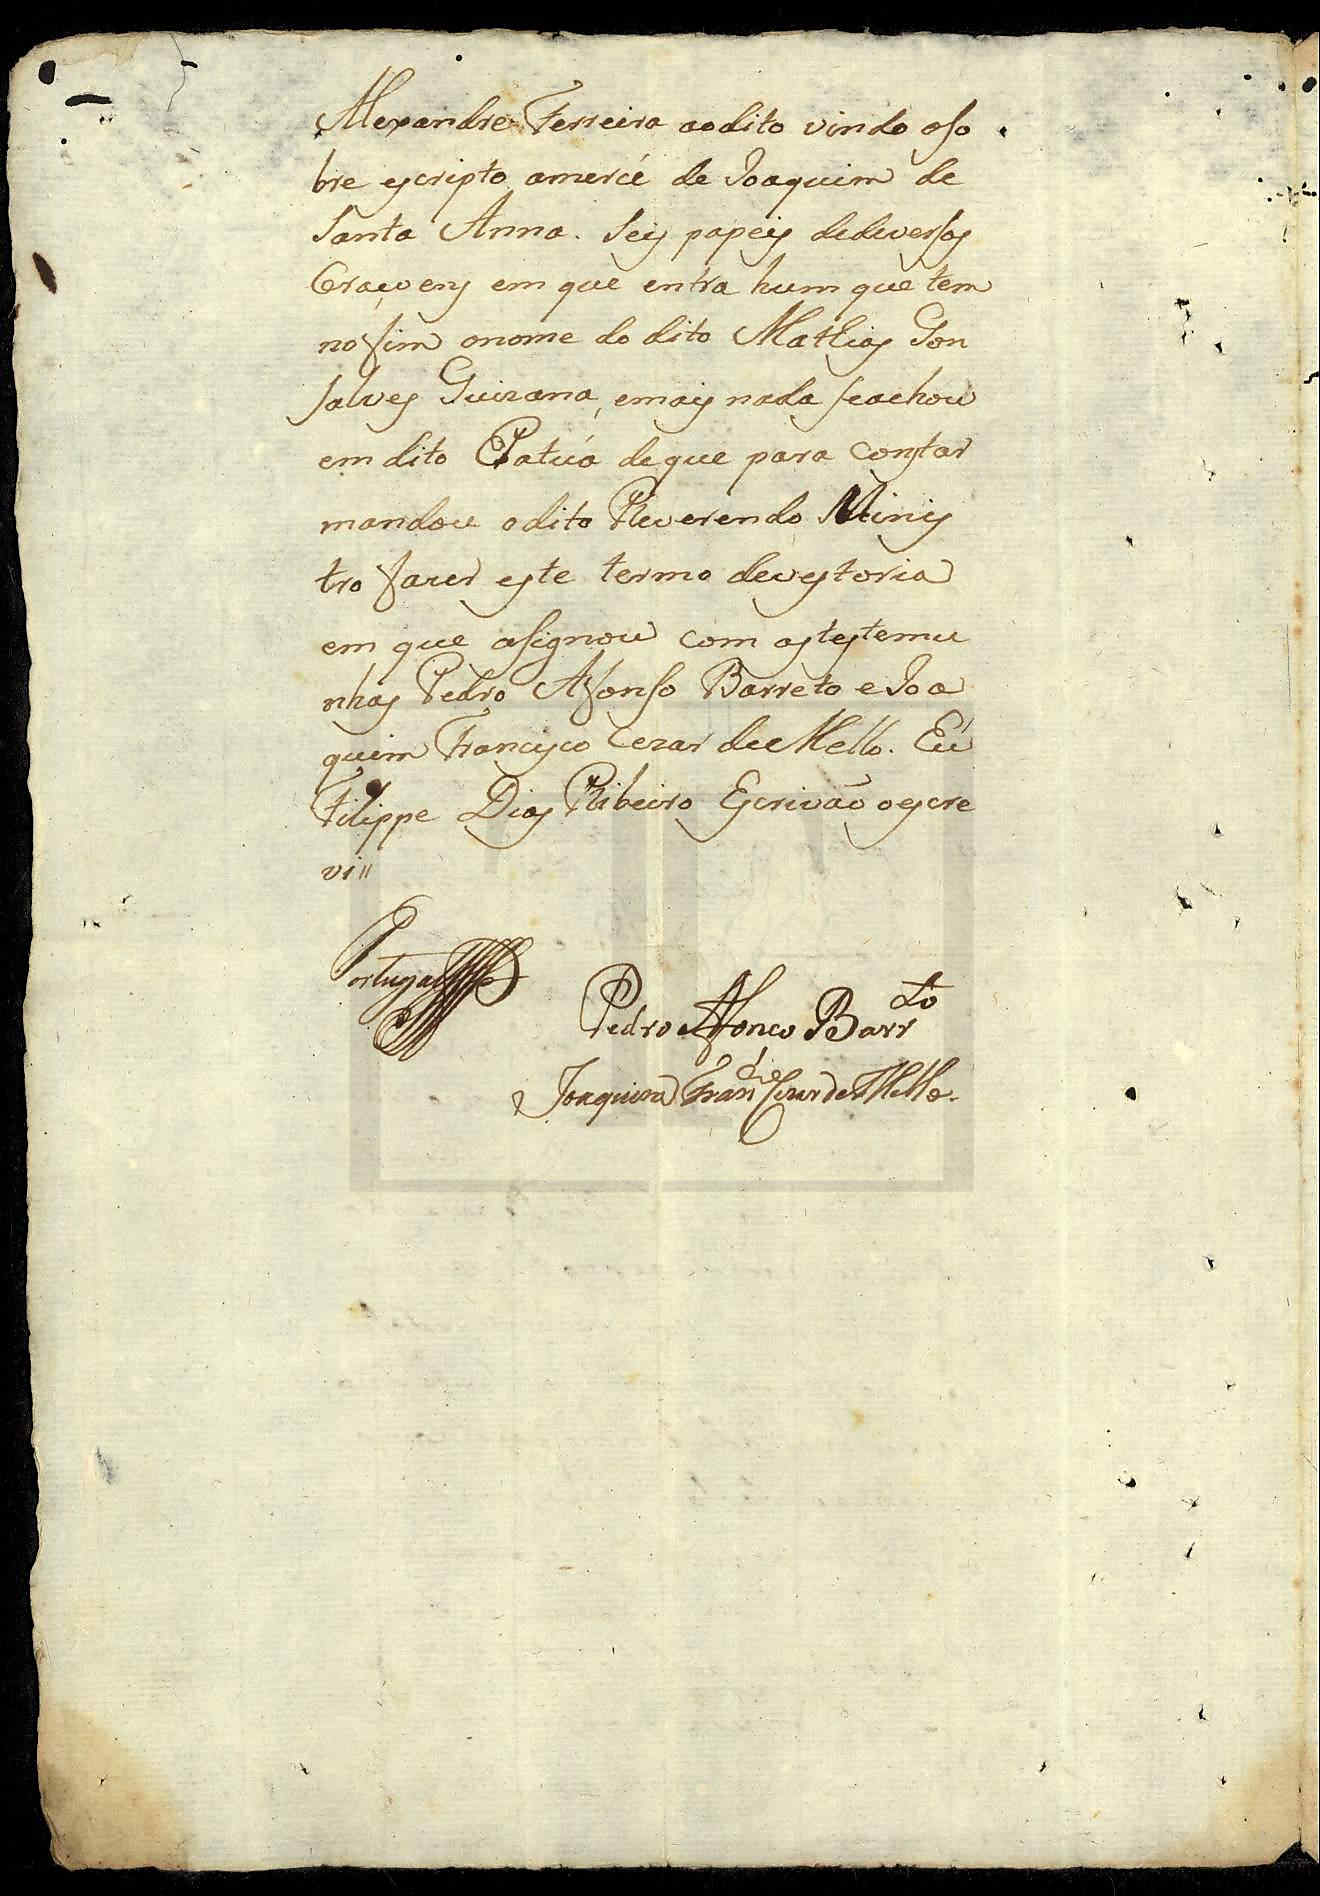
Alexandre Ferreira ao dito vindo o so
bre escripto a mercé de Ioaquim de
Santa Anna. seis papeis de deversas
Oraçoens em que entra hum que tem
no fim o nome do dito Mathias Gon
Salves Guizana, e mais nada se achou
em dito Patuá de que para constar
mandou o dito Reverendo Minis
tro fazer este termo de vestoria
em que asignou com as testemu
nhas Pedro Afonso Barreto, e Ioa
quim Francisco Cezar de Mello. Eu
Filippe Dias Ribeiro Escrivaõ o escre
vi //
Portugal
Pedro Afonso Barr.to
Joaquim Fran.co Cezar de Mello
